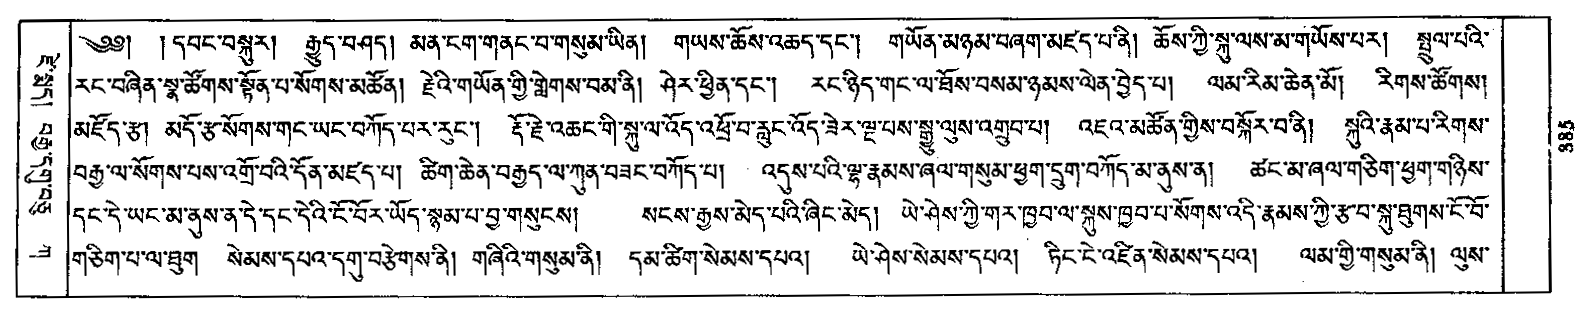༄༅། །དབང་བསྐུར། རྒྱུད་བཤད། མན་ངག་གནང་བ་གསུམ་ཡིན། གཡས་ཆོས་འཆད་དང་། གཡོན་མཉམ་བཞག་མཛད་པ་ནི། ཆོས་ཀྱི་སྐུ་ལས་མ་གཡོས་པར། སྤྲུལ་པའི་
རང་བཞིན་སྣ་ཚོགས་སྟོན་པ་སོགས་མཚོན། རྗེའི་གཡོན་གྱི་གླེགས་བམ་ནི། ཤེར་ཕྱིན་དང་། རང་ཉིད་གང་ལ་ཐོས་བསམ་ཉམས་ལེན་བྱེད་པ། ལམ་རིམ་ཆེན་མོ། རིགས་ཚོགས།
མཛོད་རྩ། མདོ་རྩ་སོགས་གང་ཡང་བཀོད་པར་རུང་། རྡོ་རྗེ་འཆང་གི་སྐུ་ལ་འོད་འཕྲོ་བ་རླུང་འོད་ཟེར་ལྔ་པས་སྒྱུ་ལུས་འགྲུབ་པ། འཇའ་མཚོན་གྱིས་བསྐོར་བ་ནི། སྐུའི་རྣམ་པ་རིགས་
བརྒྱ་ལ་སོགས་པས་འགྲོ་བའི་དོན་མཛད་པ། ཚིག་ཆེན་བརྒྱད་ལ་ཀུན་བཟང་བཀོད་པ། འདུས་པའི་ལྷ་རྣམས་ཞལ་གསུམ་ཕྱག་དྲུག་བཀོད་མ་ནུས་ན། ཚང་མ་ཞལ་གཅིག་ཕྱག་གཉིས་
དང་དེ་ཡང་མ་ནུས་ན་དེ་དང་དེའི་ངོ་བོར་ཡོད་སྙམ་པ་བྱ་གསུངས། སངས་རྒྱས་མེད་པའི་ཞིང་མེད། ཡེ་ཤེས་ཀྱི་གར་ཁྱབ་ལ་སྐུས་ཁྱབ་པ་སོགས་འདི་རྣམས་ཀྱི་རྩ་བ་སྐུ་ཐུགས་ངོ་བོ་
གཅིག་པ་ལ་ཐུག་སེམས་དཔའ་དགུ་བརྩེགས་ནི། གཞིའི་གསུམ་ནི། དམ་ཚིག་སེམས་དཔའ། ཡེ་ཤེས་སེམས་དཔའ། ཏིང་ངེ་འཛིན་སེམས་དཔའ། ལམ་གྱི་གསུམ་ནི། ལུས་